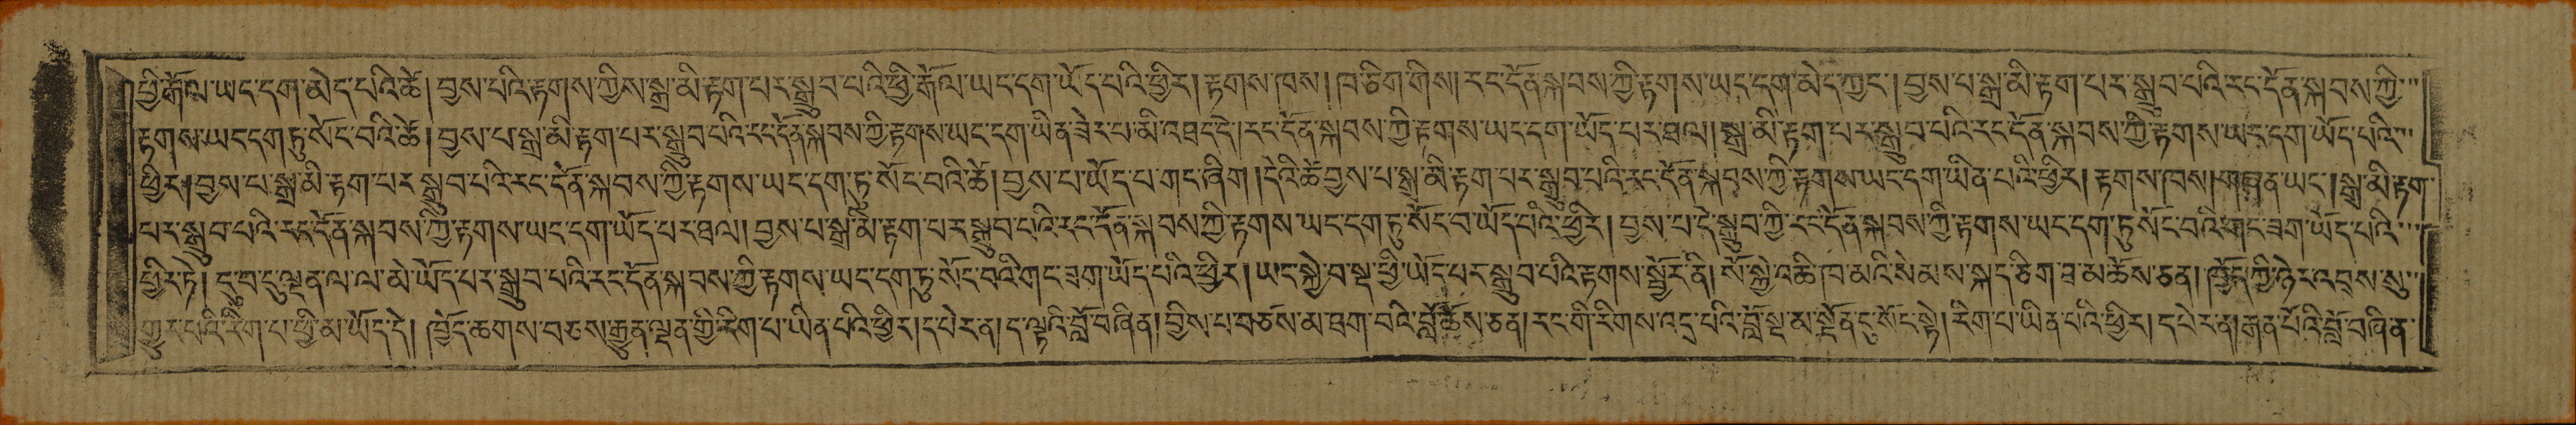ཕྱི་རྒོལ་ཡང་དག་མེད་པའི་ཚེ། བྱས་པའི་རྟགས་ཀྱིས་སྒྲ་མི་རྟག་པར་སྒྲུབ་པའི་ཕྱི་རྒོལ་ཡང་དག་ཡོད་པའི་ཕྱིར། རྟགས་ཁས། ཁ་ཅིག་གིས། རང་དོན་སྐབས་ཀྱི་རྟགས་ཡང་དག་མེད་ཀྱང་། བྱས་པ་སྒྲ་མི་རྟག་པར་སྒྲུབ་པའི་རང་དོན་སྐབས་ཀྱི་
རྟགས་ཡང་དག་ཏུ་སོང་བའི་ཚེ། བྱས་པ་སྒྲ་མི་རྟག་པར་སྒྲུབ་པའི་རང་དོན་སྐབས་ཀྱི་རྟགས་ཡང་དག་ཡིན་ཟེར་པ་མི་འཐད་དེ། རང་དོན་སྐབས་ཀྱི་རྟགས་ཡང་དག་ཡོད་པར་ཐལ། སྒྲ་མི་རྟག་པར་སྒྲུབ་པའི་རང་དོན་སྐབས་ཀྱི་རྟགས་ཡང་དག་ཡོད་པའི་
ཕྱིར། བྱས་པ་སྒྲ་མི་རྟག་པར་སྒྲུབ་པའི་རང་དོན་སྐབས་ཀྱི་རྟགས་ཡང་དག་ཏུ་སོང་བའི་ཚེ། བྱས་པ་ཡོད་པ་གང་ཞིག །དེའི་ཚེ་བྱས་པ་སྒྲ་མི་རྟག་པར་སྒྲུབ་པའི་རང་དོན་སྐབས་ཀྱི་རྟགས་ཡང་དག་ཡོད་པའི་ཕྱིར། རྟགས་ཁས། གཞན་ཡང་། སྒྲ་མི་རྟག་
པར་སྒྲུབ་པའི་རང་དོན་སྐབས་ཀྱི་རྟགས་ཡང་དག་ཡོད་པར་ཐལ། བྱས་པ་སྒྲ་མི་རྟག་པར་སྒྲུབ་པའི་རང་དོན་སྐབས་ཀྱི་རྟགས་ཡང་དག་ཏུ་སོང་བ་ཡོད་པའི་ཕྱིར། བྱས་པ་དེ་སྒྲུབ་ཀྱི་རང་དོན་སྐབས་ཀྱི་རྟགས་ཡང་དག་ཏུ་སོང་བའི་གང་ཟག་ཡོད་པའི་
ཕྱིར་ཏེ། དུ་བ་དུ་ལྡན་ལ་ལ་མེ་ཡོད་པར་སྒྲུབ་པའི་རང་དོན་སྐབས་ཀྱི་རྟགས་ཡང་དག་ཏུ་སོང་བའི་གང་ཟག་ཡོད་པའི་ཕྱིར། ཡང་སྐྱེ་བ་སྔ་ཕྱི་ཡོད་པར་སྒྲུབ་པའི་རྟགས་སྦྱོར་ནི། སོ་སྐྱེ་འཆི་ཁ་མའི་སེམས་སྐད་ཅིག་ཐ་མ་ཆོས་ཅན། ཁྱོད་ཀྱི་ཉེར་འབྲས་སུ་
གྱུར་པའི་རིག་པ་ཕྱི་མ་ཡོད་དེ། ཁྱོད་ཆགས་བཅས་རྒྱུན་ལྡན་གྱི་རིག་པ་ཡིན་པའི་ཕྱིར། དཔེར་ན། ད་ལྟའི་བློ་བཞིན། བྱིས་པ་བཙས་མ་ཐག་པའི་བློ་ཆོས་ཅན། རང་གི་རིགས་འདྲ་བའི་བློ་སྔ་མ་སྔོན་དུ་སོང་སྟེ། རིག་པ་ཡིན་པའི་ཕྱིར། དཔེར་ན། རྒན་པོའི་བློ་བཞིན་